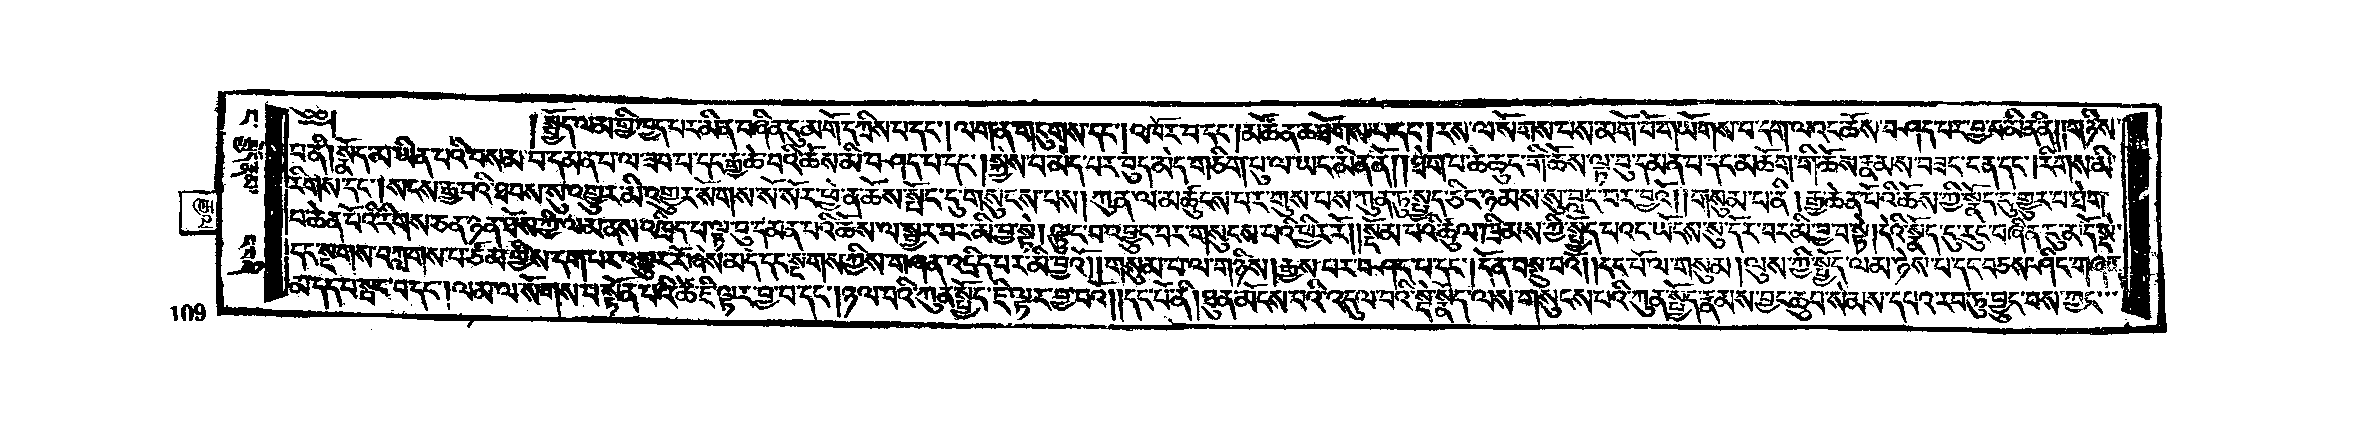༄༅། །སྤྱོད་ལམ་གྱི་ཁྱད་པར་མིན་བཞིན་དུ་མགོ་དཀྲིས་པ་དང་། ལག་ན་གདུགས་དང་། འཁོར་བ་དང་། མཚོན་ཆ་ཐོགས་པ་དང་། རས་ལ་སོགས་པས་མགོ་པོ་གཡོགས་པ་དག་ལའང་ཆོས་བཤད་པར་བྱ་བ་མིན་ནོ། །གཉིས་
པ་ནི། སྣོད་མ་ཡིན་པའི་བསམ་པ་དམན་པ་ལ་ཟབ་པ་དང་རྒྱ་ཆེ་བའི་ཆོས་མི་བཤད་པ་དང་། སྐྱེས་པ་མེད་པར་བུད་མེད་གཅིག་པུ་ལ་ཡང་མིན་ནོ། །ཐེག་པ་ཆེ་ཆུང་གི་ཆོས་ལྟ་བུ་དམན་པ་དང་མཆོག་གི་ཆོས་རྣམས་བཟང་ངན་དང་། རིགས་མི་
རིགས་དང་། སངས་རྒྱས་ཐབས་སུ་འགྱུར་མི་འགྱུར་སོགས་སོ་སོར་ཕྱེ་ན་ཆོས་སྤོང་དུ་གསུངས་པས། ཀུན་ལ་མཚུངས་པར་གུས་པས་ཀུན་ཏུ་སྤྱད་ཅིང་ཉམས་སུ་བང་བར་བྱའོ། །གསུམ་པ་ནི། རྒྱ་ཆེན་པོའི་ཆོས་ཀྱི་སྣོད་དུ་གྱུར་པ་ཐེག་
པ་ཆེན་པོའི་རིགས་ཅན་ཉན་ཐོས་ཀྱི་ལམ་ནས་འཁྲིད་པ་ལྟ་བུ་དམན་པའི་ཆོས་ལ་སྦྱར་བར་མི་བྱ་སྟེ། ལྟུང་བ་འབྱུང་བར་གསུངས་པའི་ཕྱིར་རོ། །སྡོམ་པའི་ཚུལ་ཁྲིམས་ཀྱི་སྤྱོད་པའང་ཡོངས་སུ་དོར་བར་མི་བྱ་བ་སྟེ། དེའི་སྣོད་དུ་རུང་བཞིན་དུ་མདོ་སྡེ་
དང་སྔགས་བཀླགས་པ་ཙམ་གྱིས་དག་པར་འགྱུར་རོ་ཞེས་མདོ་དང་སྔགས་ཀྱིས་གཞན་འདྲིད་པར་མི་བྱའོ། །གསུམ་པ་ལ་གཉིས། རྒྱས་པར་བཤད་པ་དང་། དོན་བསྡུ་བའོ། །དང་པོ་ལ་གསུམ། ལུས་ཀྱི་སྤྱོད་ལམ་ཉེས་པ་དང་བཅས་ཤིང་གཞན་
མ་དད་པ་སྤང་བ་དང་། ལམ་ལ་སོགས་པ་སྟོན་པའི་ཚེ་ཇི་ལྟར་བྱ་བ་དང་། ཉལ་བའི་ཀུན་སྤྱོད་ཇི་ལྟར་བྱ་བའོ། །དང་པོ་ནི། ཐུན་མོངས་པའི་འདུལ་བའི་སྡེ་སྣོད་ལས་གསུངས་པའི་ཀུན་སྤྱོད་རྣམས་བྱང་ཆུབ་སེམས་དཔའ་རབ་ཏུ་བྱུང་བས་ཀྱང་